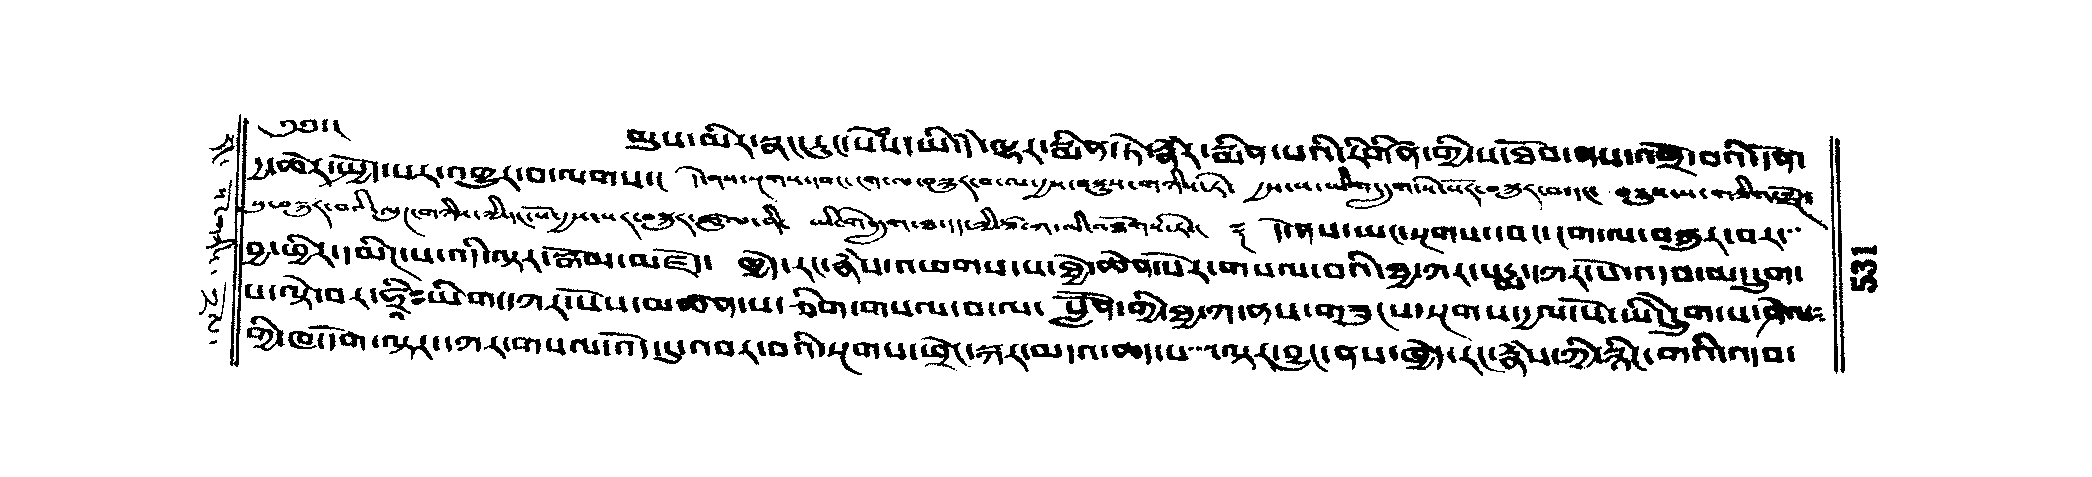ལུས་མིར་སྣང་རུང་སེམས་ཡི་དམ་ལྷར་སྨིན་ཏེ་རྣམ་པར་སྨིན་པའི་རིག་འཛིན་གྱི་ས་ཐོབ་ནས་འགྲོ་བའི་དོན་
རྒྱ་ཆེར་སྤྱོད་པར་འགྱུར་བ་ལགས། དེ་ནས་སྔགས་དབང་ངག་ལ་བསྐུར་བ་ལ་རྒྱས་བསྡུས་གཉིས་ཏེ། རྒྱས་པ་ཡིག་འབྲུ་སོ་སོར་བསྐུར་བ་དང་བསྡུས་པ་གཅིག་རྫོགས་
སུ་བསྐུར་བའི་ལུགས་གཉིས་ཀྱི་དང་པོ་རྒྱས་པར་བསྐུར་ཚུལ་ནི། ཡི་གེ་དྲུག་ཐ་དད་ཀྱི་ཙ་ཀ་ལི་ཐོགས་ཏེ། དེ་ནས་གསུང་དབང་ངག་ལ་བསྐུར་བར་
བྱ་ཕྱིར་དམིགས་པ་འདི་ལྟར་སྒོམ་མཛོད། ཁྱོད་རང་རྣམས་འཕགས་པ་ཐུགས་རྗེ་ཆེན་པོར་གསལ་བའི་ཐུགས་ཀར་པདྨ་དཀར་པོ་འདབ་མ་དྲུག་
པ་ལྟེ་བར་ཧྲིཿཡིག་དཀར་པོས་མཚན་པ་གཅིག་གསལ་བ་ལ། སློབ་དཔོན་གྱི་ཐུགས་ཀ་ནས་གཟུངས་སྔགས་རྒྱལ་པོ་ཡི་གེ་དྲུག་པ་ཤེལ་
གྱི་ཁ་དོག་ལྟར་དཀར་གསལ་འོད་དུ་འབར་བའི་སྔགས་ཕྲེང་སྐར་མདའ་ཆད་པ་ལྟ་བུར་བྱུང་ནས་ཁྱེད་རང་རྣམས་ཀྱི་སྙིང་གའི་འདབ་